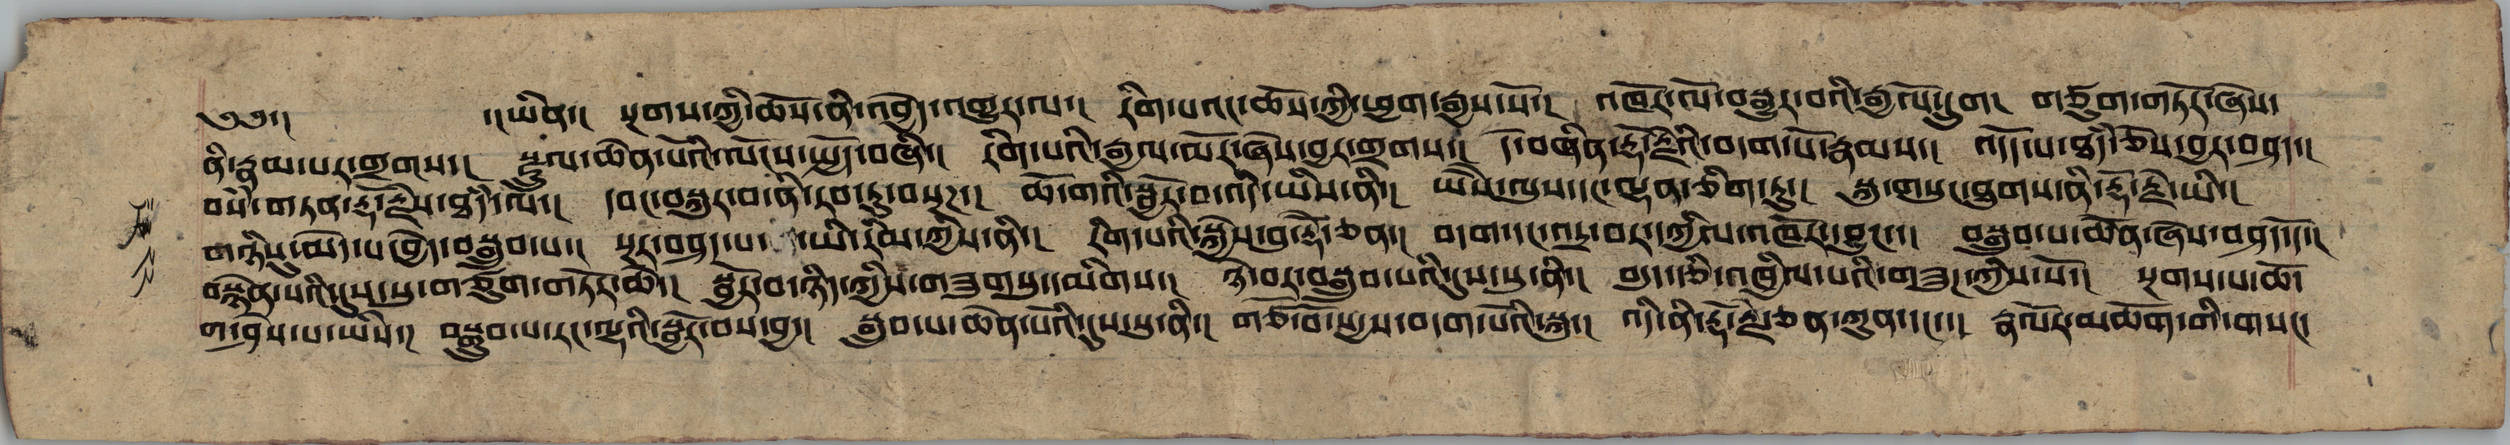༄༅་། ་།ཡིན་། སྔགས་ཀྱི་ཆོས་ནི་འབྱེད་འགྱུར་ལ་། རིག་པའང་ཆོས་ཀྱི་ཕྱག་རྒྱས་སོ་། འཁོར་ལོ་བསྒྱུར་བའི་རྒྱལོ་དྲུག། གཙུག་གཏོར་ཞེས་
ནི་རྣམ་པར་གྲགས་། སྫྲུལ་ཆེན་པོའི་ལོངས་སྤྱོད་བཞི་། རིག་པའི་རྒྱལ་མོར་ཞེས་བྱར་གྲགས་། དེ་བཞིན་རྡོ་རྗེའི་བདག་པོ་རྣམས་། འདོད་པ་ཐཾད་ཅེས་བྱར་བཤད་།
བསཾ་གཏན་རྡོ་རྗེས་ཐཾད་ལ་། དབང་བསྐུར་་བ་ནི་རབ་ཏུ་བསྔཌ་། ཆོ་གའི་སྦྱོར་བ་འདི་ཡིས་ནི་། ཡཻས་ལུས་དང་ལྷན་ཅིག་ཏུ་། སྐུ་གསུང་ཐུགས་ནི་རྡོ་རྗེ་ཡི་།
གཉིསུ་མེད་པ་བྱེད་བསྒྲུབ་པ་། སྔར་བཤད་པ་ ཡི་རིམ་ཀྱིས་ནི་། རིག་པའི་སྐྱེས་བུ་རྡོེ་ཅན་། བདག་དང་འདྲ་བར་དཀྱིལ་འཁོར་དབྱུང་་། བསྒྲུབ་པ་ཆེནོ་ཞེས་བཤད་དོ་།
བསྙེན་པའི་དུས་སུ་གཙུག་གཏོར་ཆེ་། སྦྱོར་བ་ཉིད་ཀྱིས་གཟུགསུ་དམིགས་། ཉེ་བར་བསྒྲུབ་པའི་དུས་སུ་ནི་། བདུད་རྩི་འཁྱིལ་པའི་གཟུཌ་ཀྱིས་སོ་། སྔགས་པ་ཆོ་
ག་ཤེས་པ་ཡཻས་། བསྒྲུབ་པ་རང་ལྷའི་སྦྱོར་བས་བྱ་། སྒྲུབ་པ་ཆེན་པོའི་དུས་སུ་ནི་། གཙོ་བོ་སདྱས་བདག་པོའི་སྐུ་། འདི་ནི་རྡོ་རྗེ་ཅན་ཀུན་དང་་། རྣལོར་མཆོག་གི་གསང་